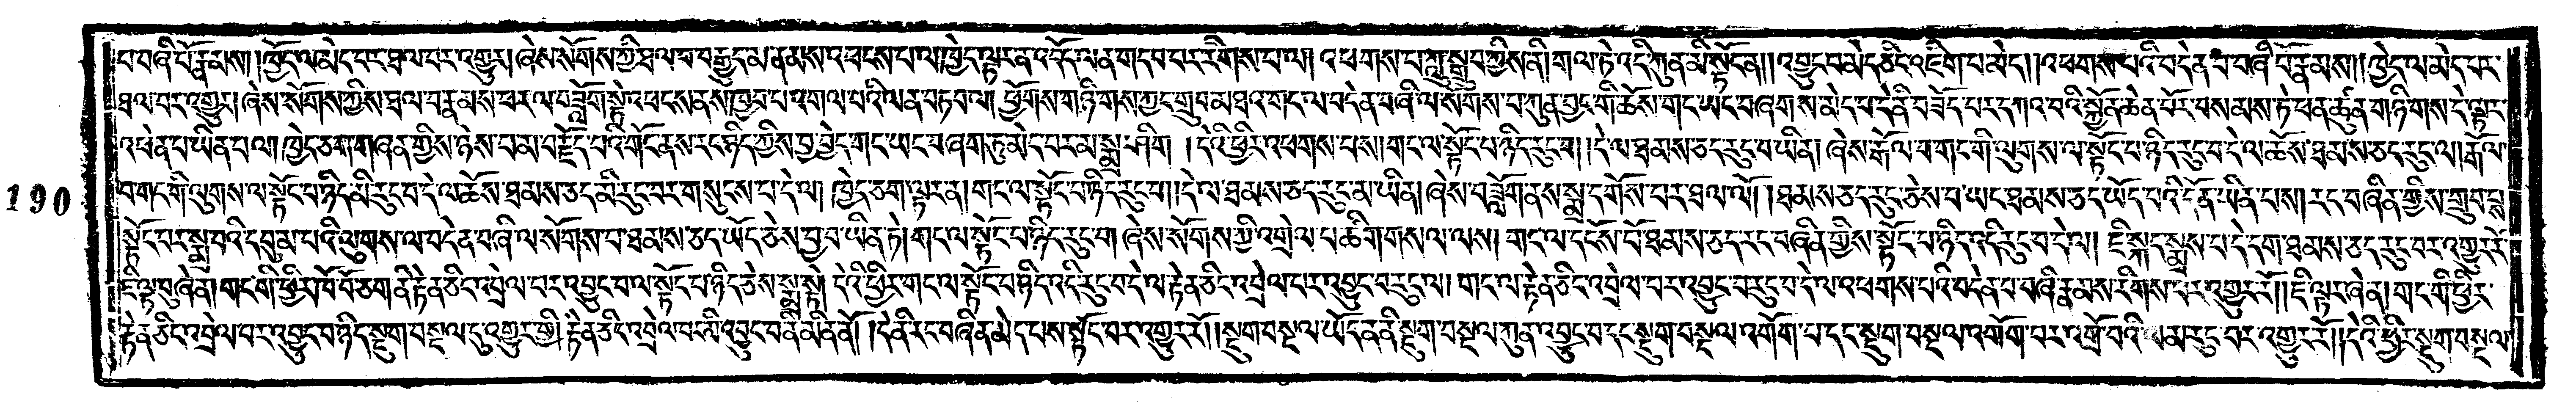བ་བཞི་པོ་རྣམས། །ཁྱོད་ལ་མེད་པར་ཐལ་བར་འགྱུར། ཞེས་སོགས་ཀྱི་ཐལ་བ་བརྒྱུད་མ་རྣམས་འཕངས་པ་ལ་ཁྱེད་ལྟར་ན་འདོད་ལན་གདབ་པར་རིགས་པ་ལ། འཕགས་པ་ཀླུ་སྒྲུབ་ཀྱིས་ནི། གལ་ཏེ་འདི་ཀུན་མི་སྟོང་ན། །འབྱུང་བ་མེད་ཅིང་འཇིག་པ་མེད། །འཕགས་པའི་བདེན་བ་བཞི་པོ་རྣམས། །ཁྱེད་ལ་མེད་པར་
ཐལ་བར་འགྱུར། ཞེས་སོགས་ཀྱིས་ཐལ་བ་རྣམས་པར་ལ་བཟློག་སྟེ་འཕངས་ནས་ཁྱབ་པའི་གལ་བའི་ལན་བཏབ་ལ། ཕྱོགས་གཉི་གས་ཀྱང་གྲུབ་མཐའ་གང་ལ་བདེན་བཞི་ལ་སོགས་པ་ཀུན་བྱང་གི་ཆོས་གང་ཡང་བཞགས་མེད་པ་དེ་ནི་བཟོད་པར་དཀའ་བའི་སྐྱོན་ཆེན་པོར་བསམས་ཏེ་ཕན་ཚུན་གཉི་གས་དེ་ལྟར་
འཕེན་པ་ཡིན་པ་ལ། ཁྱེད་ཅག་གཞན་གྱིས་ཉེས་པ་མ་བརྗོད་པའི་གོང་ནས་རང་ཉིད་ཀྱིས་བྱ་བྱེད་གང་ཡང་བཞག་ཏུ་མེད་པར་མ་སྨྲ་ཤིག །དེའི་ཕྱིར་འཕགས་པས། གང་ལ་སྟོང་པ་ཉིད་རུང་བ། །དེ་ལ་ཐམས་ཅད་རུང་བ་ཡིན། ཞེས་རྒོལ་བ་གང་གི་ལུགས་ལ་སྟོང་པ་ཉིད་རུང་བ་དེ་ལ་ཆོས་ཐམས་ཅད་རུང་ལ། རྒོལ་
བ་?་གང་?་གི་ལུགས་ལ་སྟོང་བ་ཉིད་མི་རུང་བ་དེ་ལ་ཆོས་ཐམས་ཅད་མི་རུང་བར་གསུངས་པ་དེ་ལ། ཁྱེད་ཅག་ལྟར་ན། གང་ལ་སྟོང་པ་ཉིད་རུང་པ། །དེ་ལ་ཐམས་ཅད་རུང་མ་ཡིན། ཞེས་བཟློག་ནས་སྨྲ་དགོས་པར་ཐལ་ལོ། །ཐམས་ཅད་རུང་ཅེས་པ་ཡང་ཐམས་ཅད་ཡོད་པའི་དོན་ཡིན་པས། རང་བཞིན་གྱིས་གྲུབ་བས་
སྟོང་བར་སྨྲ་བའི་དབུ་མ་པའི་ལུགས་ལ་བདེན་བཞི་ལ་སོགས་པ་ཐམས་ཅད་ཡོད་ཅེས་བྱ་བ་ཡིན་ཏེ། གང་ལ་སྟོང་པ་ཉིད་རུང་བ། ཞེས་སོགས་ཀྱི་འགྲེལ་པ་ཚིག་གསལ་ལས། གང་ལ་དངོས་པོ་ཐམས་ཅད་རང་བཞིན་གྱིས་སྟོང་པ་ཉིད་འདི་རུང་བ་དེ་ལ། ཇི་སྐད་སྨྲས་པ་དེ་དག་ཐམས་ཅད་རུང་བར་འགྱུར་རོ་
ཇི་ལྟ་བུ་ཞེ་ན། གང་གི་ཕྱིར་ཁོ་བོ་ཅག་ནི་རྟེན་ཅིང་འབྲེལ་བར་འབྱུང་བ་ལ་སྟོང་པ་ཉིད་ཅེས་སྨྲ་སྟེ། དེའི་ཕྱིར་གང་ལ་སྟོང་བ་ཉིད་འདི་རུང་བ་དེ་ལ་རྟེན་ཅིང་འབྲེལ་པར་འབྱུང་བ་རུང་ལ། གང་ལ་རྟེན་ཅིང་འབྲེལ་པར་འབྱུང་བ་རུང་བ་དེ་ལ་འཕགས་པའི་བདེན་པ་བཞི་རྣམས་རིགས་པར་འགྱུར་རོ། །ཇི་ལྟར་ཞེ་ན། གང་གི་ཕྱིར་
རྟེན་ཅིང་འབྲེལ་པར་འབྱུང་བ་ཉིད་སྡུག་བསྔལ་དུ་འགྱུར་གྱི། རྟེན་ཅིང་འབྲེལ་བར་མི་འབྱུང་བ་ནི་མིན་ནོ། །དེ་ནི་རང་བཞིན་མེད་པས་སྟོང་བར་འགྱུར་རོ། །སྡུག་བསྔལ་ཡོད་ན་ནི་སྡུག་བསྔལ་ཀུན་འབྱུང་བ་དང་སྡུག་བསྔལ་འགོག་པ་དང་སྡུག་བསྔལ་འགོག་པར་འགྲོ་བའི་ལམ་རུང་བར་འགྱུར་རོ། །དེའི་ཕྱིར་སྡུག་བསྔལ་